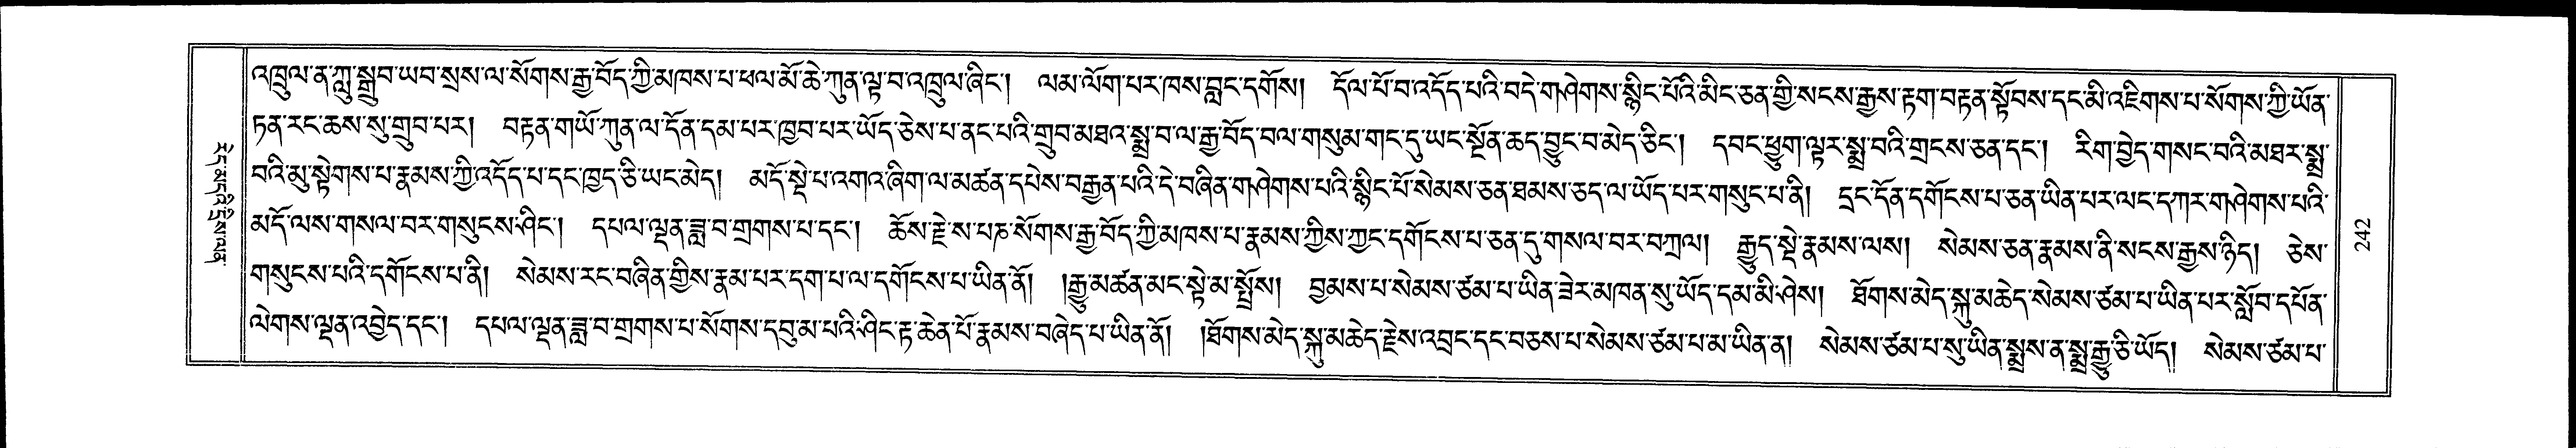འཁྲུལ་ན་ཀླུ་སྒྲུབ་ཡབ་སྲས་ལ་སོགས་རྒྱ་བོད་ཀྱི་མཁས་པ་ཕལ་མོ་ཆེ་ཀུན་ལྟ་བ་འཁྲུལ་ཞིང་། ལམ་ལོག་པར་ཁས་བླང་དགོས། དོལ་པོ་བ་འདོད་པའི་བདེ་གཤེགས་སྙིང་པོའི་མིང་ཅན་གྱི་སངས་རྒྱས་རྟག་བརྟན་སྟོབས་དང་མི་འཇིགས་པ་སོགས་ཀྱི་ཡོན་
ཏན་རང་ཆས་སུ་གྲུབ་པར། བརྟན་གཡོ་ཀུན་ལ་དོན་དམ་པར་ཁྱབ་པར་ཡོད་ཅེས་པ་ནང་པའི་གྲུབ་མཐའ་སྨྲ་བ་ལ་རྒྱ་བོད་བལ་གསུམ་གང་དུ་ཡང་སྔོན་ཆད་བྱུང་བ་མེད་ཅིང་། དབང་ཕྱུག་ལྟར་སྨྲ་བའི་གྲངས་ཅན་དང་། རིག་བྱེད་གསང་བའི་མཐར་སྨྲ་
བའི་མུ་སྟེགས་པ་རྣམས་ཀྱི་འདོད་པ་དང་ཁྱད་ཅི་ཡང་མེད། མདོ་སྡེ་པ་འགའ་ཞིག་ལ་མཚན་དཔེས་བརྒྱན་པའི་དེ་བཞིན་གཤེགས་པའི་སྙིང་པོ་སེམས་ཅན་ཐམས་ཅད་ལ་ཡོད་པར་གསུང་པ་ནི། དྲང་དོན་དགོངས་པ་ཅན་ཡིན་པར་ལང་དཀར་གཤེགས་པའི་
མདོ་ལས་གསལ་བར་གསུངས་ཤིང་། དཔལ་ལྡན་ཟླ་བ་གྲགས་པ་དང་། ཆོས་རྗེ་ས་པཎ་སོགས་རྒྱ་བོད་ཀྱི་མཁས་པ་རྣམས་ཀྱིས་ཀྱང་དགོངས་པ་ཅན་དུ་གསལ་བར་བཀྲལ། རྒྱུད་སྡེ་རྣམས་ལས། སེམས་ཅན་རྣམས་ནི་སངས་རྒྱས་ཉིད། ཅེས་
གསུངས་པའི་དགོངས་པ་ནི། སེམས་རང་བཞིན་གྱིས་རྣམ་པར་དག་པ་ལ་དགོངས་པ་ཡིན་ནོ། །རྒྱུ་མཚན་མང་སྟེ་མ་སྤྲོས། བྱམས་པ་སེམས་ཙམ་པ་ཡིན་ཟེར་མཁན་སུ་ཡོད་དམ་མི་ཤེས། ཐོགས་མེད་སྐུ་མཆེད་སེམས་ཙམ་པ་ཡིན་པར་སློབ་དཔོན་
ལེགས་ལྡན་འབྱེད་དང་། དཔལ་ལྡན་ཟླ་བ་གྲགས་པ་སོགས་དབུ་མ་པའི་ཤིང་རྟ་ཆེན་པོ་རྣམས་བཞེད་པ་ཡིན་ནོ། །ཐོགས་མེད་སྐུ་མཆེད་རྗེས་འབྲང་དང་བཅས་པ་སེམས་ཙམ་པ་མ་ཡིན་ན། སེམས་ཙམ་པ་སུ་ཡིན་སྨྲས་ན་སྨྲ་རྒྱུ་ཅི་ཡོད། སེམས་ཙམ་པ་